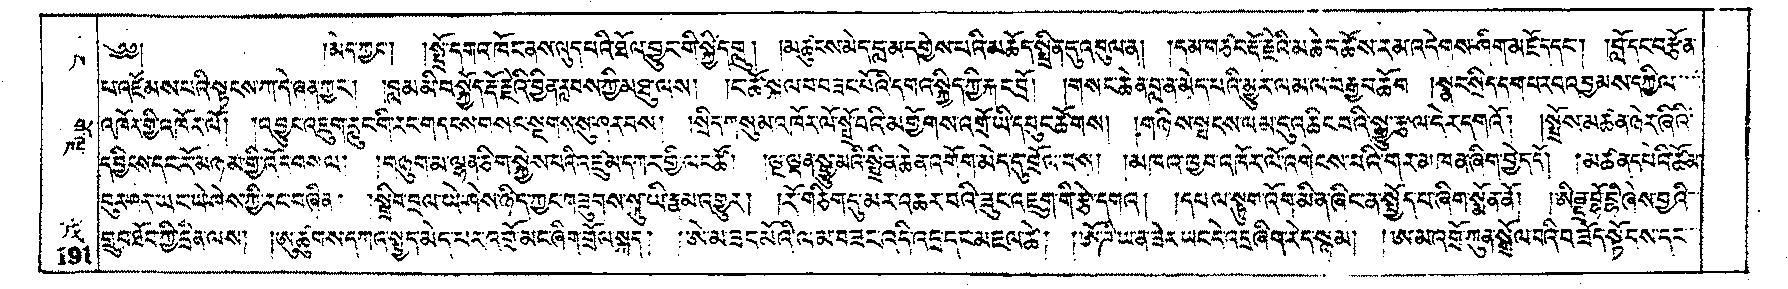༄༅། །མེད་ཀྱང་། །སྤྲོ་དགའ་ཁོང་ནས་ལུད་པའི་ཐོལ་བྱུང་གི་སྐྱིད་གླུ། །མཚུངས་མེད་བླ་མ་དགྱེས་པའི་མཆོད་སྤྲིན་དུ་འབུལ་ན། །དམ་གཙང་རྡོ་རྗེའི་མཆེད་ཚོས་རམ་འདེགས་ཤིག་མཛོད་དང་། །བློ་དང་བརྩོན་
པ་འཛོམས་པའི་སྟངས་ཀ་དེ་ཞན་ཀྱང་། །བླ་མ་མི་བསྐྱོད་རྡོ་རྗེའི་བྱིན་རླབས་ཀྱི་མཐུ་ལས། །ང་ཚོ་སྐལ་བ་བཟང་པོའི་དགའ་སྐྱིད་ཀྱི་རྐང་བྲོ། །གསང་ཆེན་བླ་ན་མེད་པའི་མྱུར་ལམ་ལ་བརྒྱབ་ཆོག །སྣང་སྲིད་དག་པ་རབ་འབྱམས་དཀྱིལ་
འཁོར་གྱི་འཁོར་ལོ། །འབྱུང་འཇུག་རླུང་གི་རང་གདངས་གསང་སྔགས་སུ་ཤར་བས། །སྲིད་གསུམ་འཁོར་ལོ་སྤྲོ་བའི་མགྱོགས་འགྲོ་ཡི་དཔུང་ཚོགས། །གཉིས་སྤངས་ལམ་དུ་འཆིང་བའི་སྒྱུ་རྩལ་དེར་དགའོ། །སྤྲོས་མཚན་ཉེར་ཞིའི་
དབྱིངས་དང་རོ་མཉམ་གྱི་འོད་གསལ། །གཉུག་མ་ལྷན་ཅིག་སྐྱེས་པའི་འཛུམ་དཀར་གྱི་ལང་ཚོ། །ལྔ་ལྡན་སྒྱུ་མའི་སྤྲིན་ཆེན་འགོག་མེད་དུ་གྲོལ་བས། །མཁའ་ཁྱབ་འཁོར་ལོ་འགེངས་པའི་གར་མཁན་ཞིག་བྱེད་དོ། །མཚན་དཔེའི་ཚོམ་
བུར་ཤར་ཡང་ཡེ་ཤེས་ཀྱི་རང་བཞིན། །སྒྲིབ་བྲལ་ཡེ་ཤེས་ཉིད་ཀྱང་གཟུགས་སྐུ་ཡི་རྣམ་འགྱུར། །རོ་གཅིག་དུ་མར་འཆར་བའི་ཟུང་འཇུག་གི་རྩེ་དགའ། །དཔལ་སྟུག་འོག་མིན་ཞིང་ན་སྤྱོད་པ་ཞིག་སྨོན་ནོ། །ཨིནྡྲ་བྷོ་དྷི་ཞེས་བྱའི་
གྲུབ་ཐོབ་ཀྱི་དྲིན་ལས། །ཨུ་ཚུགས་དཀའ་སྤྱད་མེད་པར་འགྲོ་མང་ཞིག་གྲོལ་སྐད། །ཨེ་མ་ཟབ་མོའི་ལམ་བཟང་འདི་འདྲ་དང་མཇལ་ཚེ། །ཨོ་ཌི་ཡ་ན་ཟེར་ཡང་དེ་འདྲ་ཞིག་རེད་སྙམ། །ཨ་མ་འགྲོ་ཀུན་སྒྲོལ་བའི་བཟོད་སྟོབས་དང་